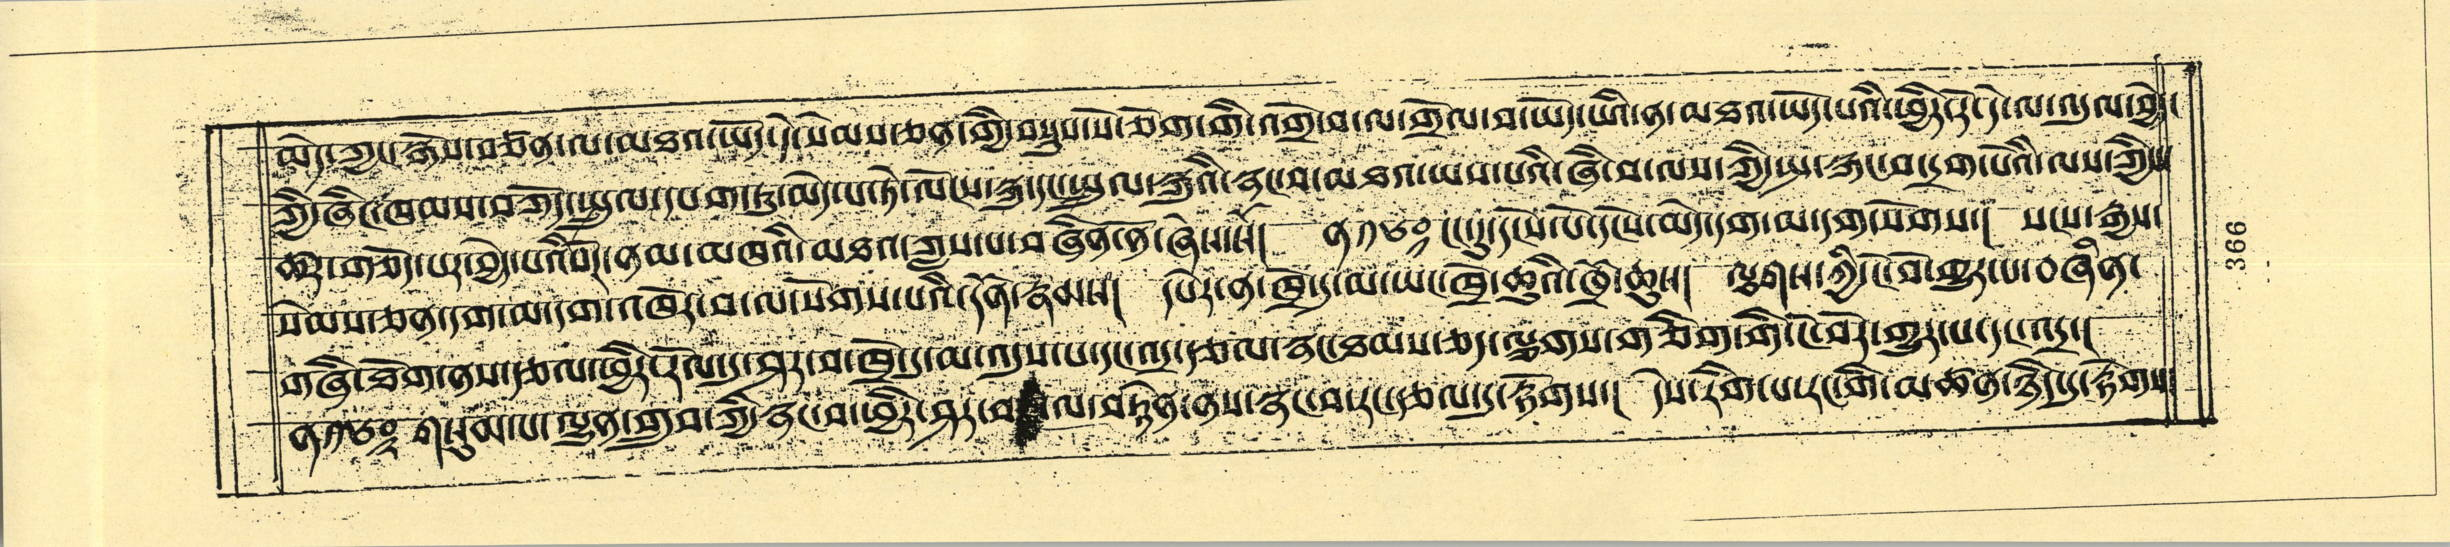མེད་ཀྱང་སྒོས་བཙན་ལ་མཐའ་ཡོད་དེ་སེམས་ཅན་གྱི་བསྡུས་སོ་ཅོག་གི་འགྲོ་བ་ལ་གྲོལ་བ་ཡོད་པའི་ན་མཐའ་ཡོད་པའི་ཕྱིར་རོ་དེ་ལ་འདུལ་བྱེད་
ཀྱི་ཞིང་ཁམས་བཀོད་སྤྲུལ་དཔག་ཏུ་མེད་པ་ཏེ་ལོངས་སྐུ་དང་སྤྲུལ་སྐུའི་སྣང་བ་མཐའ་ཡས་པའི་ཞི་བ་ལས་ཀྱི་སྤ་སྐང་བ་དྲག་པོའི་ལས་ཀྱིས་
ཚར་གཅོད་པར་བྱེད་པའི་བོགས་ནམ་མཁའི་མཐའ་ཀླས་པ་བཞིན་ནོ་ ༼ཞེས་སོ།༽ན༡༦༠།༡ ༼ངང་དུ་༽དངོས་པོ་དངོས་མེད་དག་མ་དག་སོགས། སངས་རྒྱས་
སེམས་ཅན་དག་མ་དག་འཁོར་བ་ལ་སོགས་པའི་ ༼དོན་རྣམས།༽དཔེར་ན་ཁྲོ་དུ་མ་ཡང་ཁྲོ་ཆུའི་ ༼ཁྲོ་ཆུས།༽ ༼ལྕགས་ཀྱི་༽ངོ་བོ་གྱུར་པ་ ༼བཞིན་
༽གཞི་ཐོག་ནས་རྩལ་ཕྱིར་རོལ་དུ་ཤར་བ་ཁྲོ་དུ་མ་འདུས་པ་དང་འདྲ་པ་དང་འདྲ་རྩལ་སྣང་ཐམས་ཅད་ལྕགས་གཅིག་གི་ངོ་བོར་གྱུར་པ་དང་འདྲ།
 ན༡༦༠།༢ ༼གསུམ་པ་༽ལྷུན་གྲུབ་ཀྱི་སྣང་བ་ཕྱིར་ཤར་བ་ལ་བརྟེན་ནས་སྣང་བ་རང་རྩལ་དུ་རྟོགས། དེས་རིག་པ་རང་གི་མཚན་ཉིད་དུ་རྟོགས་